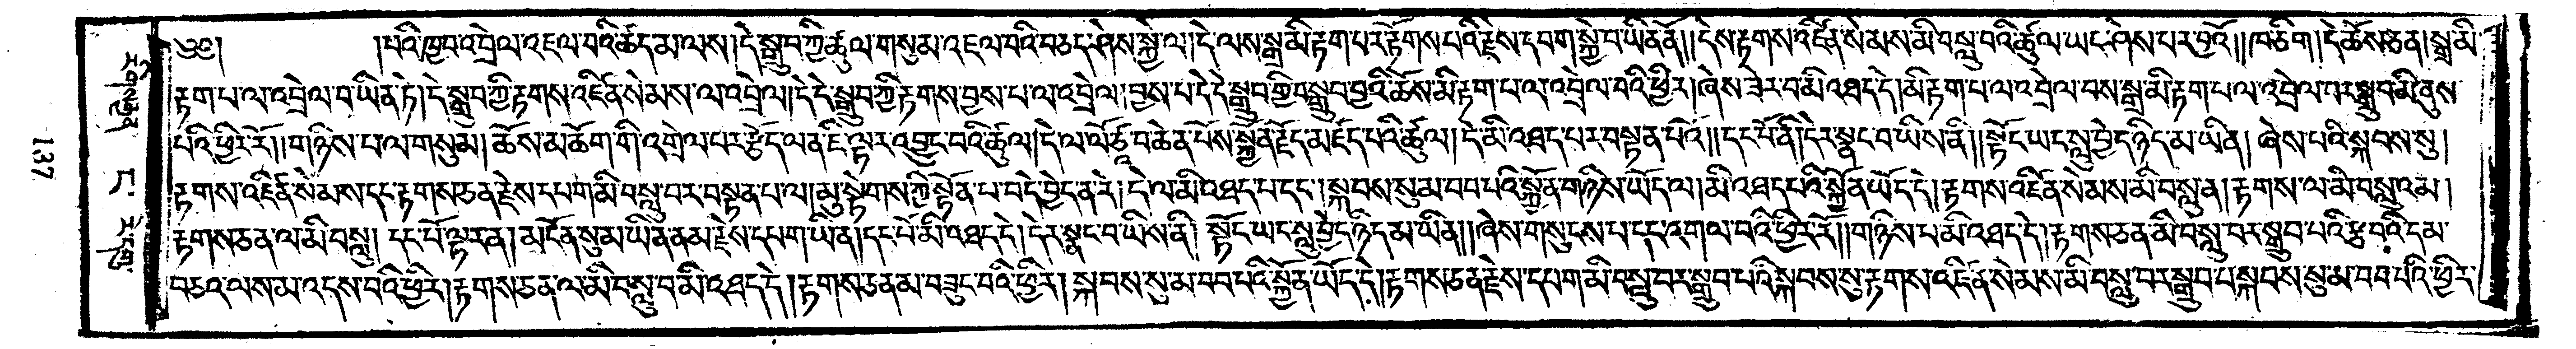༄༅། །པའི་ཁྱབ་འབྲེལ་འཇལ་བའི་ཚད་མ་ལས། དེ་སྒྲུབ་ཀྱི་ཚུལ་གསུམ་འཇལ་བའི་བཅད་ཤེས་སྐྱེ་ལ། དེ་ལས་སྒྲ་མི་རྟག་པར་རྟོགས་པའི་རྗེས་དཔག་སྐྱེ་བ་ཡིན་ནོ། །དེས་རྟགས་འཛིན་སེམས་མི་བསླུ་བའི་ཚུལ་ཡང་ཤེས་པར་བྱའོ། །ཁ་ཅིག །དེ་ཆོས་ཅན། སྒྲ་མི་
རྟག་པ་ལ་འབྲེལ་པ་ཡིན་ཏེ། དེ་སྒྲུབ་ཀྱི་རྟགས་འཛིན་སེམས་ལ་འབྲེལ། དེ་དེ་སྒྲུབ་ཀྱི་རྟགས་བྱས་པ་ལ་འབྲེལ། བྱས་པ་དེ་དེ་སྒྲུབ་ཀྱི་བསྒྲུབ་བྱའི་ཆོས་མི་རྟག་པ་ལ་འབྲེལ་བའི་ཕྱིར། ཞེས་ཟེར་བ་མི་འཐད་དེ། མི་རྟག་པ་ལ་འབྲེལ་བས་སྒྲ་མི་རྟག་པ་ལ་འབྲེལ་པར་སྒྲུབ་མི་ནུས་
པའི་ཕྱིར་རོ། །གཉིས་པ་ལ་གསུམ། ཆོས་མཆོག་གི་འགྲེལ་པར་རྩོད་ལན་ཇི་ལྟར་འབྱུང་བའི་ཚུལ། དེ་ལ་ལོ་ཙཱ་བ་ཆེན་པོས་སྐྱོན་རྗོད་མཛད་པའི་ཚུལ། དེ་མི་འཐད་པར་བསྟན་པའོ། །དང་པོ་ནི། དེར་སྣང་བ་ཡིས་ནི། །སྟོང་ཡང་སླུ་བྱེད་ཉིད་མ་ཡིན། ཞེས་པའི་སྐབས་སུ།
རྟགས་འཛིན་སེམས་དང་རྟགས་ཅན་རྗེས་དཔག་མི་བསླུ་བར་བསྟན་པ་ལ། མུ་སྟེགས་ཀྱི་སྟོན་པ་བདེ་བྱེད་ན་རེ། དེ་ལ་མི་འཐད་པ་དང་། སྐབས་སུ་མ་བབ་པའི་སྐྱོན་གཉིས་ཡོད་ལ། མི་འཐད་པའི་སྐྱོན་ཡོད་དེ། རྟགས་འཛིན་སེམས་མི་བསླུ་ན། རྟགས་ལ་མི་བསླུ་འམ།
རྟགས་ཅན་ལ་མི་བསླུ། དང་པོ་ལྟར་ན། མངོན་སུམ་ཡིན་ནམ་རྗེས་དཔག་ཡིན། དང་པོ་མི་འཐད་དེ། དེར་སྣང་བ་ཡིས་ནི། སྟོང་ཡང་སླུ་བྱེད་ཉིད་མ་ཡིན། །ཞེས་གསུངས་པ་དང་འགལ་བའི་ཕྱིར་རོ། །གཉིས་པ་མི་འཐད་དེ། རྟགས་ཅན་མི་བསླུ་བར་སྒྲུབ་པའི་རྩ་བའི་དམ་
བཅའ་ལས་མ་འདས་པའི་ཕྱིར། རྟགས་ཅན་ལ་མི་བསླུ་བ་མི་འཐད་དེ། རྟགས་ཅན་མ་བཟུང་བའི་ཕྱིར། སྐབས་སུ་མ་བབ་པའི་སྐྱོན་ཡོད་དེ། རྟགས་ཅན་རྗེས་དཔག་མི་བསླུ་བར་སྒྲུབ་པའི་སྐབས་སུ་རྟགས་འཛིན་སེམས་མི་བསླུ་བར་སྒྲུབ་པ་སྐབས་སུམ་བབ་པའི་ཕྱིར་